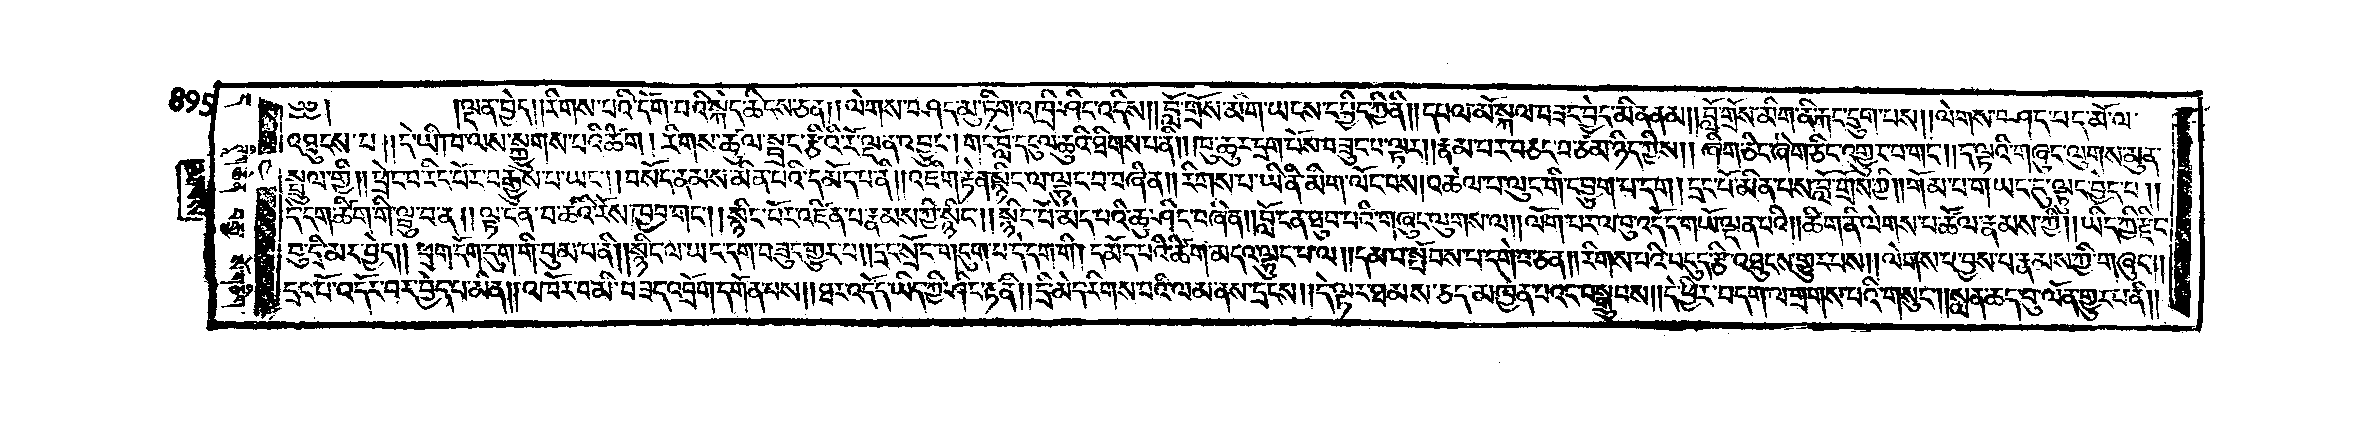༄༅། །ལྡན་བྱེད། །རིགས་པའི་དོག་པའི་སྐེད་ཆིངས་ཅན། །ལེགས་བཤད་མུ་ཏིག་འཁྲི་ཤིང་འདིས། །བློ་གྲོས་མིག་ཡངས་དཔྱིད་ཀྱི་ནི། །དཔལ་མོ་སྐལ་བཟང་བྱེད་མིན་ནམ། །བློ་གྲོས་མིག་ནི་རྐང་དྲུག་པས། །ལེགས་བཤད་པད་མོ་ལ་
འཐུངས་པ། །དེ་ཡི་ཁ་ལས་སྐྱུགས་པའི་ཚིག། །རིགས་ཚུལ་སྦྲང་རྩིའི་རོ་ལྡན་འབྱུང་། གང་བློ་དངུལ་ཆུའི་ཐིགས་པ་ནི། །ཁུ་ཆུར་དྲག་པོས་བཟུང་པ་ལྟར། །རྣམ་པར་བཅད་པ་ཙམ་ཉིད་ཀྱིས། །ཞིག་ཅིང་ཞིག་ཅིང་འགྱུར་བ་གང་། །ད་ལྟའི་གཞུང་ལུགས་མུན་
སྤྲུལ་གྱི། །ཕྲེང་བ་རིང་པོར་བརྒྱུས་པ་ཡང་། །བསོད་ནམས་མིན་པའི་དམོད་པ་ནི། །འཇིག་རྟེན་སྙིང་ལ་ལྷུང་བ་བཞིན། །རིགས་པ་ཡི་ནི་མིག་ལོང་བས། འཚལ་བ་ལུང་གི་དབྱུང་པ་དག །དྲང་པོ་མིན་པས་བློ་གྲོས་ཀྱི། །གོམ་པ་གྱང་དུ་ལྟུང་བྱེད་པ། །
དེ་དག་ཚིག་གི་ལུ་བ་ན། །ལྟ་ངན་པ་ཚའི་རོས་ཁྱབ་གང་། ཡི་ཞལ་སྔ་ནས་ལ་སོགས་པ། རྗེས་བཙུ་
ཉིང་པོ་མེད་པའི་ཆུ་ཤིང་བཞིན། །བློ་ནགན་ཐུབ་པའི་གཞུང་ལུགས་ལ། །ལོག་པར་འཁུ་འདོད་གྱོ་ལྡན་པའི། །ཚིག་ནི་ལེགས་པ་ཚོལ་རྣམས་ཀྱི། །ཡིད་ཀྱི་རྫིང་
བུ་དྲི་མར་བྱེད། །ཕྲག་དོག་དུག་གི་བུམ་པ་ནི། །སྙིང་ལ་ཡང་དག་བཟུང་གྱུར་པ། །དྲང་སྲོང་གདུག་པ་དེ་དག་གི། དམོད་པའི་ཚིག་མདའི་ལྷུང་བ་ལ། །དམ་པ་སྤོབས་པ་དགེ་བ་ཅན། །རིགས་པའི་བདུད་རྩི་འཐུང་གྱུར་པས། །ལེགས་པར་བྱས་པ་རྣམས་ཀྱི་གཞུང་། །
དྲང་པོར་འདོར་བར་བྱེད་པ་མིན། །འཁོར་བ་མི་བཟོད་འབྲོག་དགོན་པས། །ཐར་འདོད་ཡིད་ཀྱི་ཤིང་རྟ་ནི། །དྲི་མེད་རིགས་པའི་ལམ་ནས་དྲངས། །དེ་ལྟར་ཐམས་ཅད་མཁྱེན་པའང་བསྒྲུབས། །དེ་ཕྱིར་བདག་ལ་གྲགས་པའི་གསུང་། །སླན་ཆད་བུ་ལོན་གྱུར་པ་ནི། །